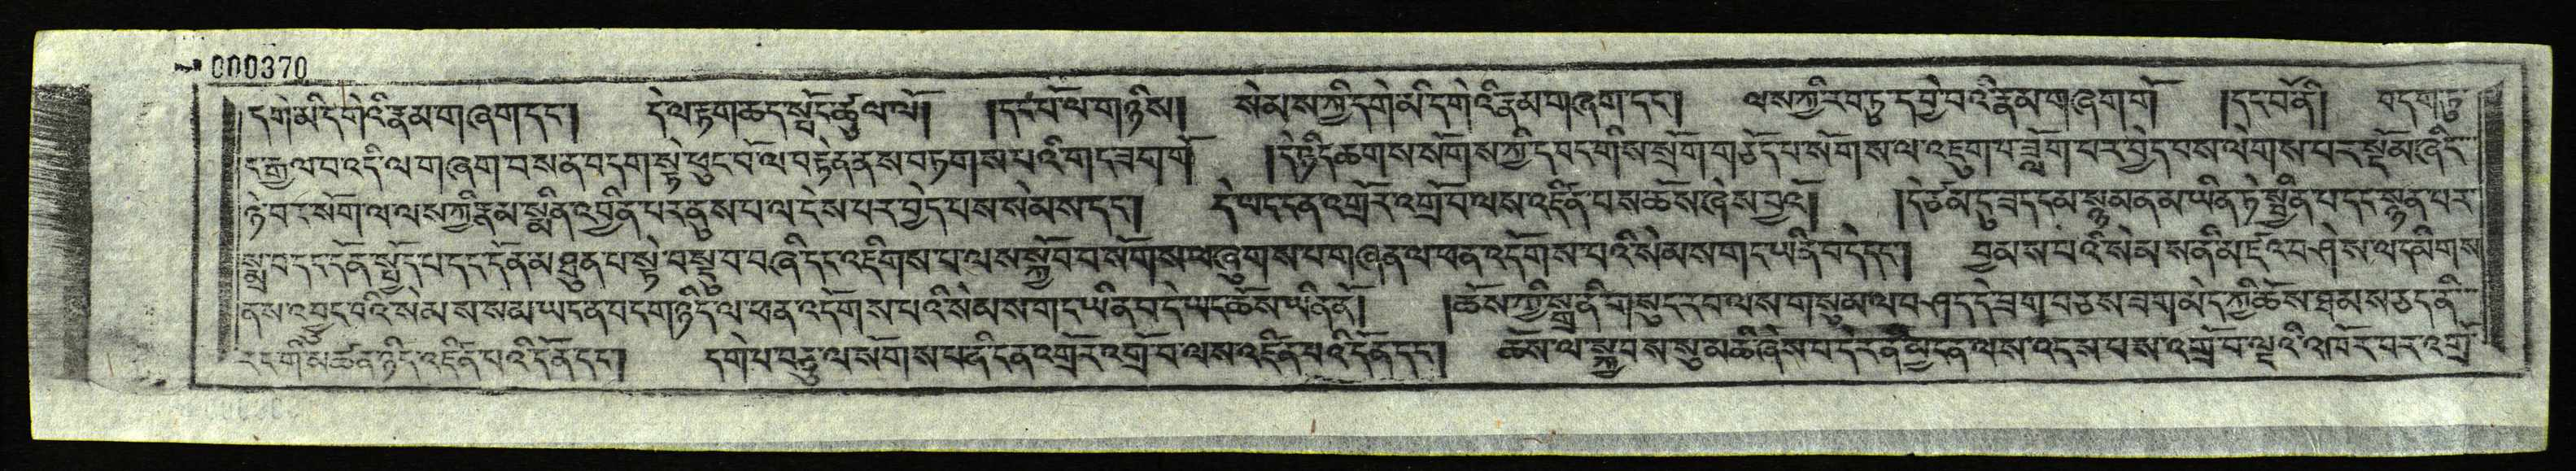དགེ་མི་དགེའི་རྣམ་གཞག་དང་། དེ་ལ་རྟག་ཆད་སྤོང་ཚུལ་ལོ། །དང་པོ་ལ་གཉིས། སེམས་ཀྱི་དགེ་མི་དགེའི་རྣམ་གཞག་དང་། ལས་ཀྱི་རབ་ཏུ་དབྱེ་བའི་རྣམ་གཞག་གོ །དང་པོ་ནི། བདག་ཏུ་
ང་རྒྱལ་བ་འདི་ལ་གཞག་པས་ན་བདག་སྟེ་ཕུང་པོ་ལ་བརྟེན་ནས་བཏགས་པའི་གང་ཟག་གོ །དེ་ཉིད་ཆགས་སོགས་ཀྱི་དབང་གིས་སྲོག་གཅོད་པ་སོགས་ལ་འཇུག་བཟློག་པར་བྱེད་པས་ལེགས་པར་སྡོམ་ཞིང་
ཉེ་བར་སོག་ལ་ལས་ཀྱི་རྣམ་སྨིན་འབྱིན་པར་ནུས་པ་ལ་ངེས་པར་བྱེད་པས་སེམས་དང་། དེ་ཡང་ངན་འགྲོར་འགྲོ་བ་ལས་འཛིན་པས་ཆོས་ཞེས་བྱའོ། །དེ་ཙམ་དུ་ཟད་དམ་སྙམ་ན་མ་ཡིན་ཏེ་སྦྱིན་པ་དང་སྙན་པར་
སྨྲ་བ་དང་དོན་སྤྱོད་པ་དང་དོན་མཐུན་པ་སྟེ་བསྡུ་བ་བཞི་དང་འཇིགས་པ་ལས་སྐྱོབ་བ་སོགས་ལ་ཞུགས་པ་གཞན་ལ་ཕན་འདོགས་པའི་སེམས་གང་ཡིན་པ་དེ་དང་། བྱམས་པའི་སེམས་ནི་མཛའ་བཤེས་ལ་དམིགས་
ནས་འབྱུང་བའི་སེམས་སམ་ཡང་ན་བདག་ཉིད་ལ་ཕན་འདོགས་པའི་སེམས་གང་ཡིན་པ་དེ་ཡང་ཆོས་ཡིན་ནོ། །ཆོས་ཀྱི་སྒྲ་ནི་གསུང་རབ་ལས་གསུམ་ལ་བཤད་དེ་ཟག་བཅས་ཟག་མེད་ཀྱི་ཆོས་ཐམས་ཅད་ནི་
རང་གི་མཚན་ཉིད་འཛིན་པའི་དོན་དང་། དགེ་བ་བཅུ་ལ་སོགས་པ་ནི་ངན་འགྲོར་འགྲོ་བ་ལས་འཛིན་པའི་དོན་དང་། ཆོས་ལ་སྐྱབས་སུ་མཆི་ཞེས་པ་དེར་ནི་མྱ་ངན་ལས་འདས་པས་འགྲོ་བ་ལྔའི་འཁོར་བར་འགྲོ་